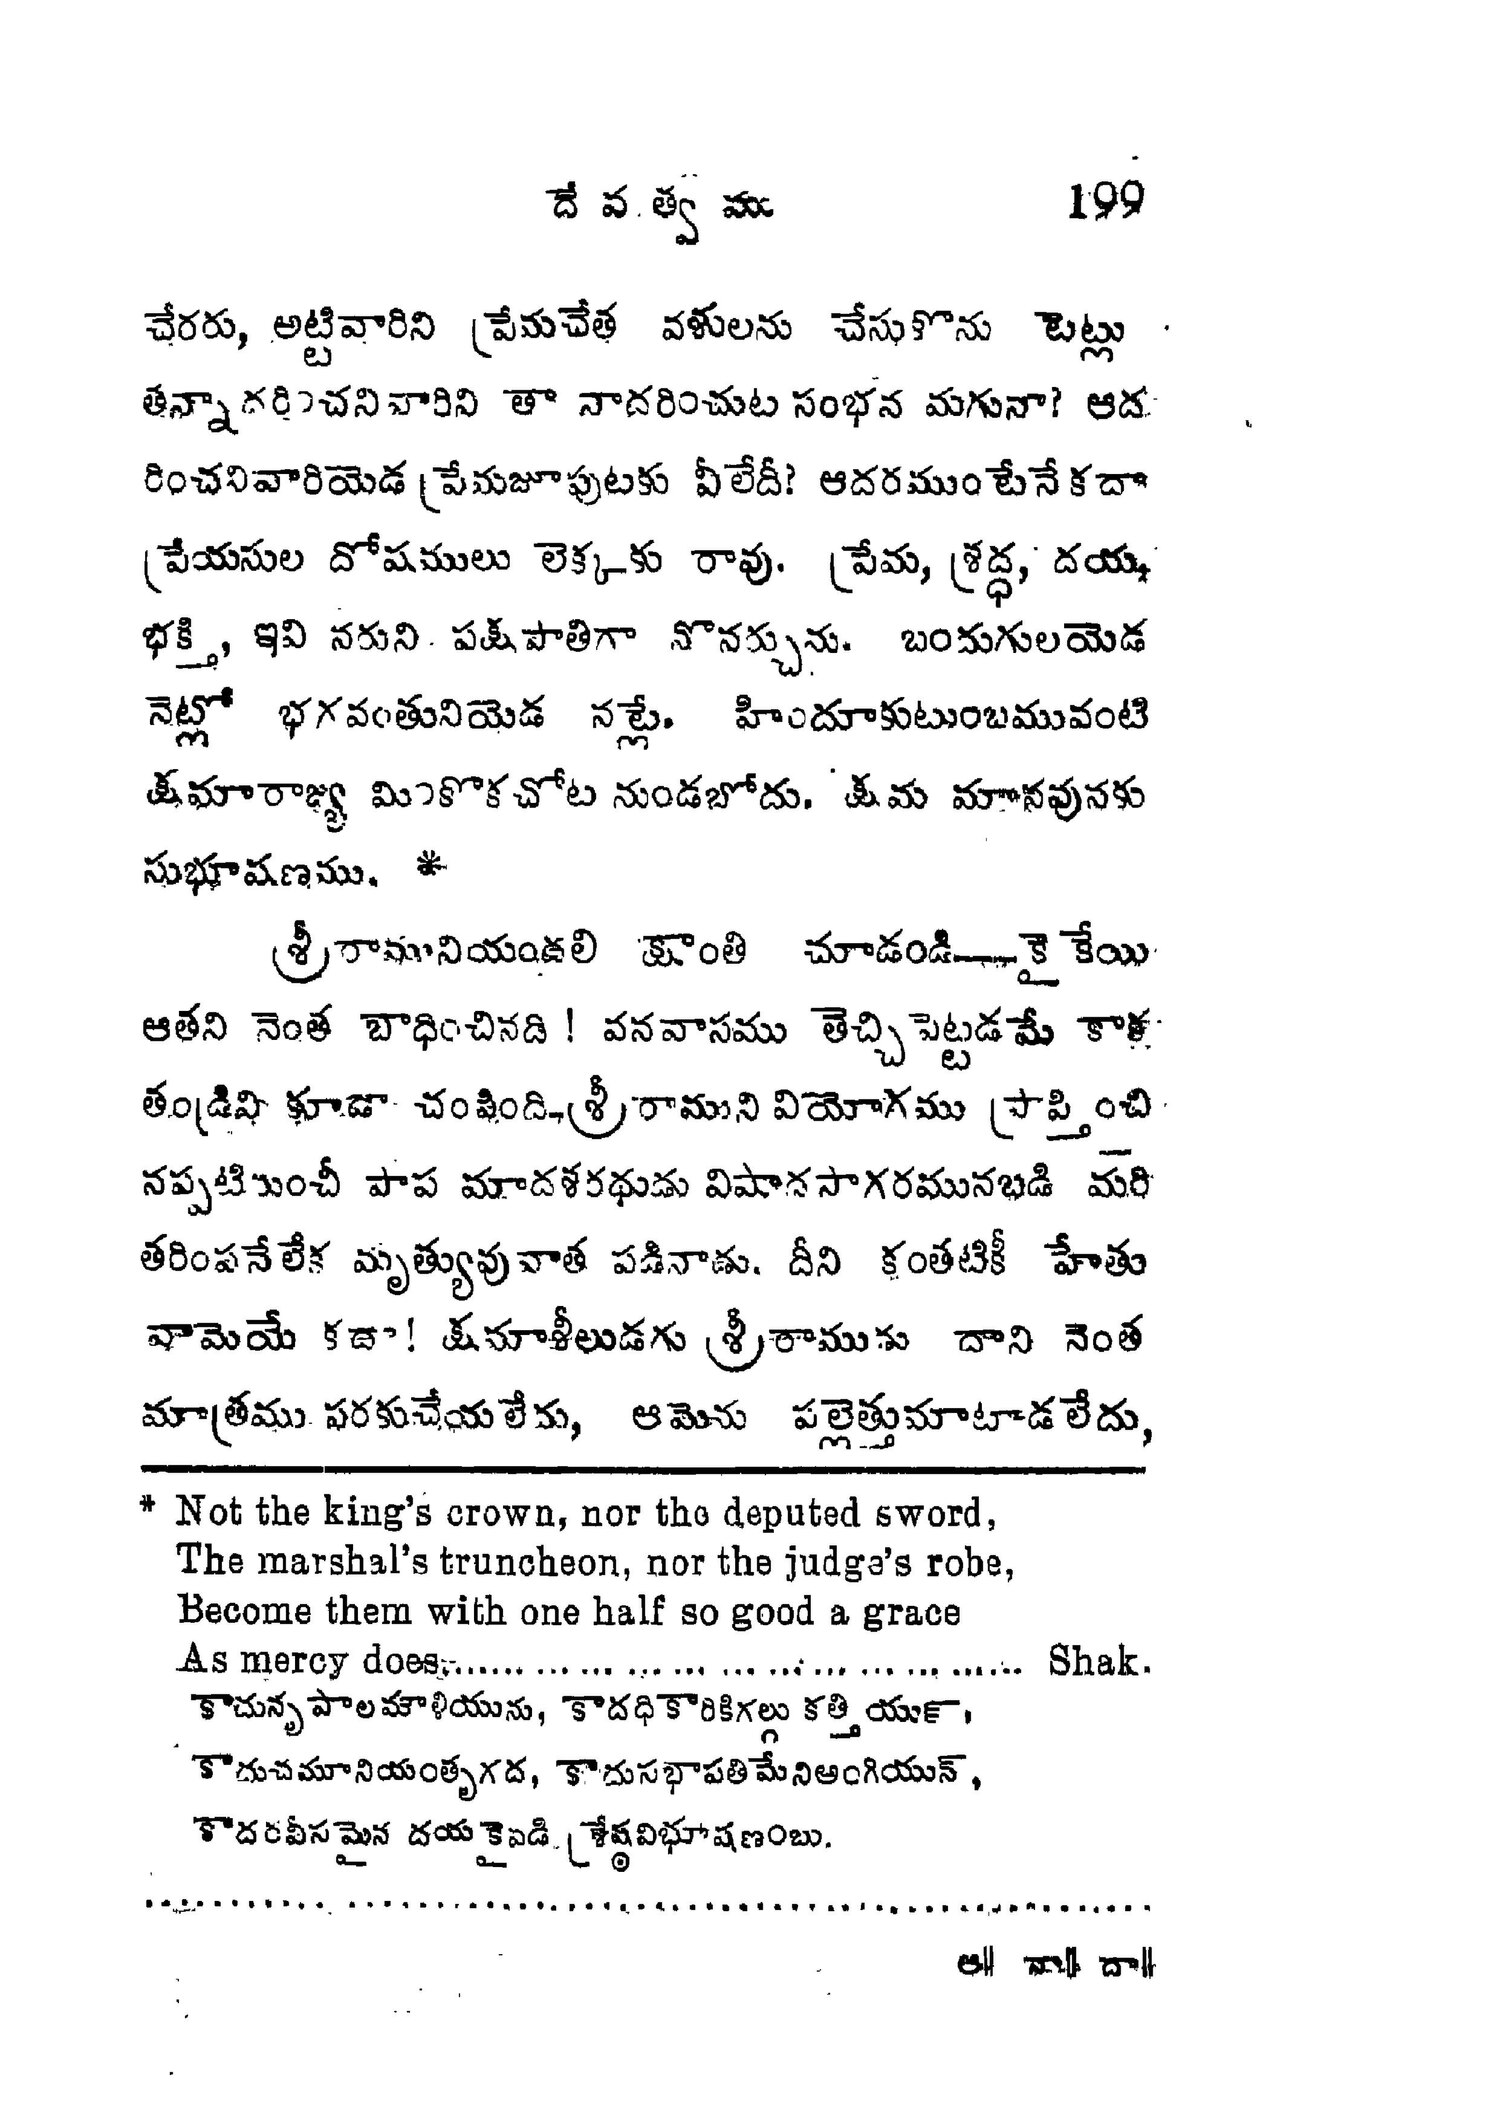చేరరు, అట్టివారిని ప్రేమచేత వశులను చేసుకొను టెట్లు తన్నాదరించనివారిని తా నాదరించుట సంభవ మగునా? ఆదరించనివారియెడ ప్రేమజూపుటకు వీలేది? ఆదరముంటేనేకదా ప్రేయసుల దోషములు లెక్కకు రావు. ప్రేమ, శ్రద్ధ, దయ, భక్తి, ఇవి నరుని పక్షపాతిగా నొనర్చును. బందుగులయెడ నెట్లో భగవంతునియెడ నట్లే, హిందూకుటుంబమువంటి క్షమారాజ్య మింకొకచోట నుండబోదు. క్షమ మానవునకు సుభాషణము. *

శ్రీరామునియందలి క్షాంతి చూడండి - కైకేయి ఆతని నెంత బాధించినది ! వనవాసము తెచ్చి పెట్టడమే కాక తండ్రిని కూడా చంపింది - శ్రీరాముని వియోగము ప్రాప్తించి నప్పటినుంచీ పాప మాదశరథుడు విషాదసాగరమునబడి మరి తరింపనేలేక మృత్యువువాత పడినాడు. దీని కంతటికీ హేతు వామెయే కదా ! క్షమాశీలుడగు శ్రీరాముడు దాని నెంత మాత్రము సరకుచేయలేదు, ఆమెను పల్లెత్తుమాటాడలేదు,